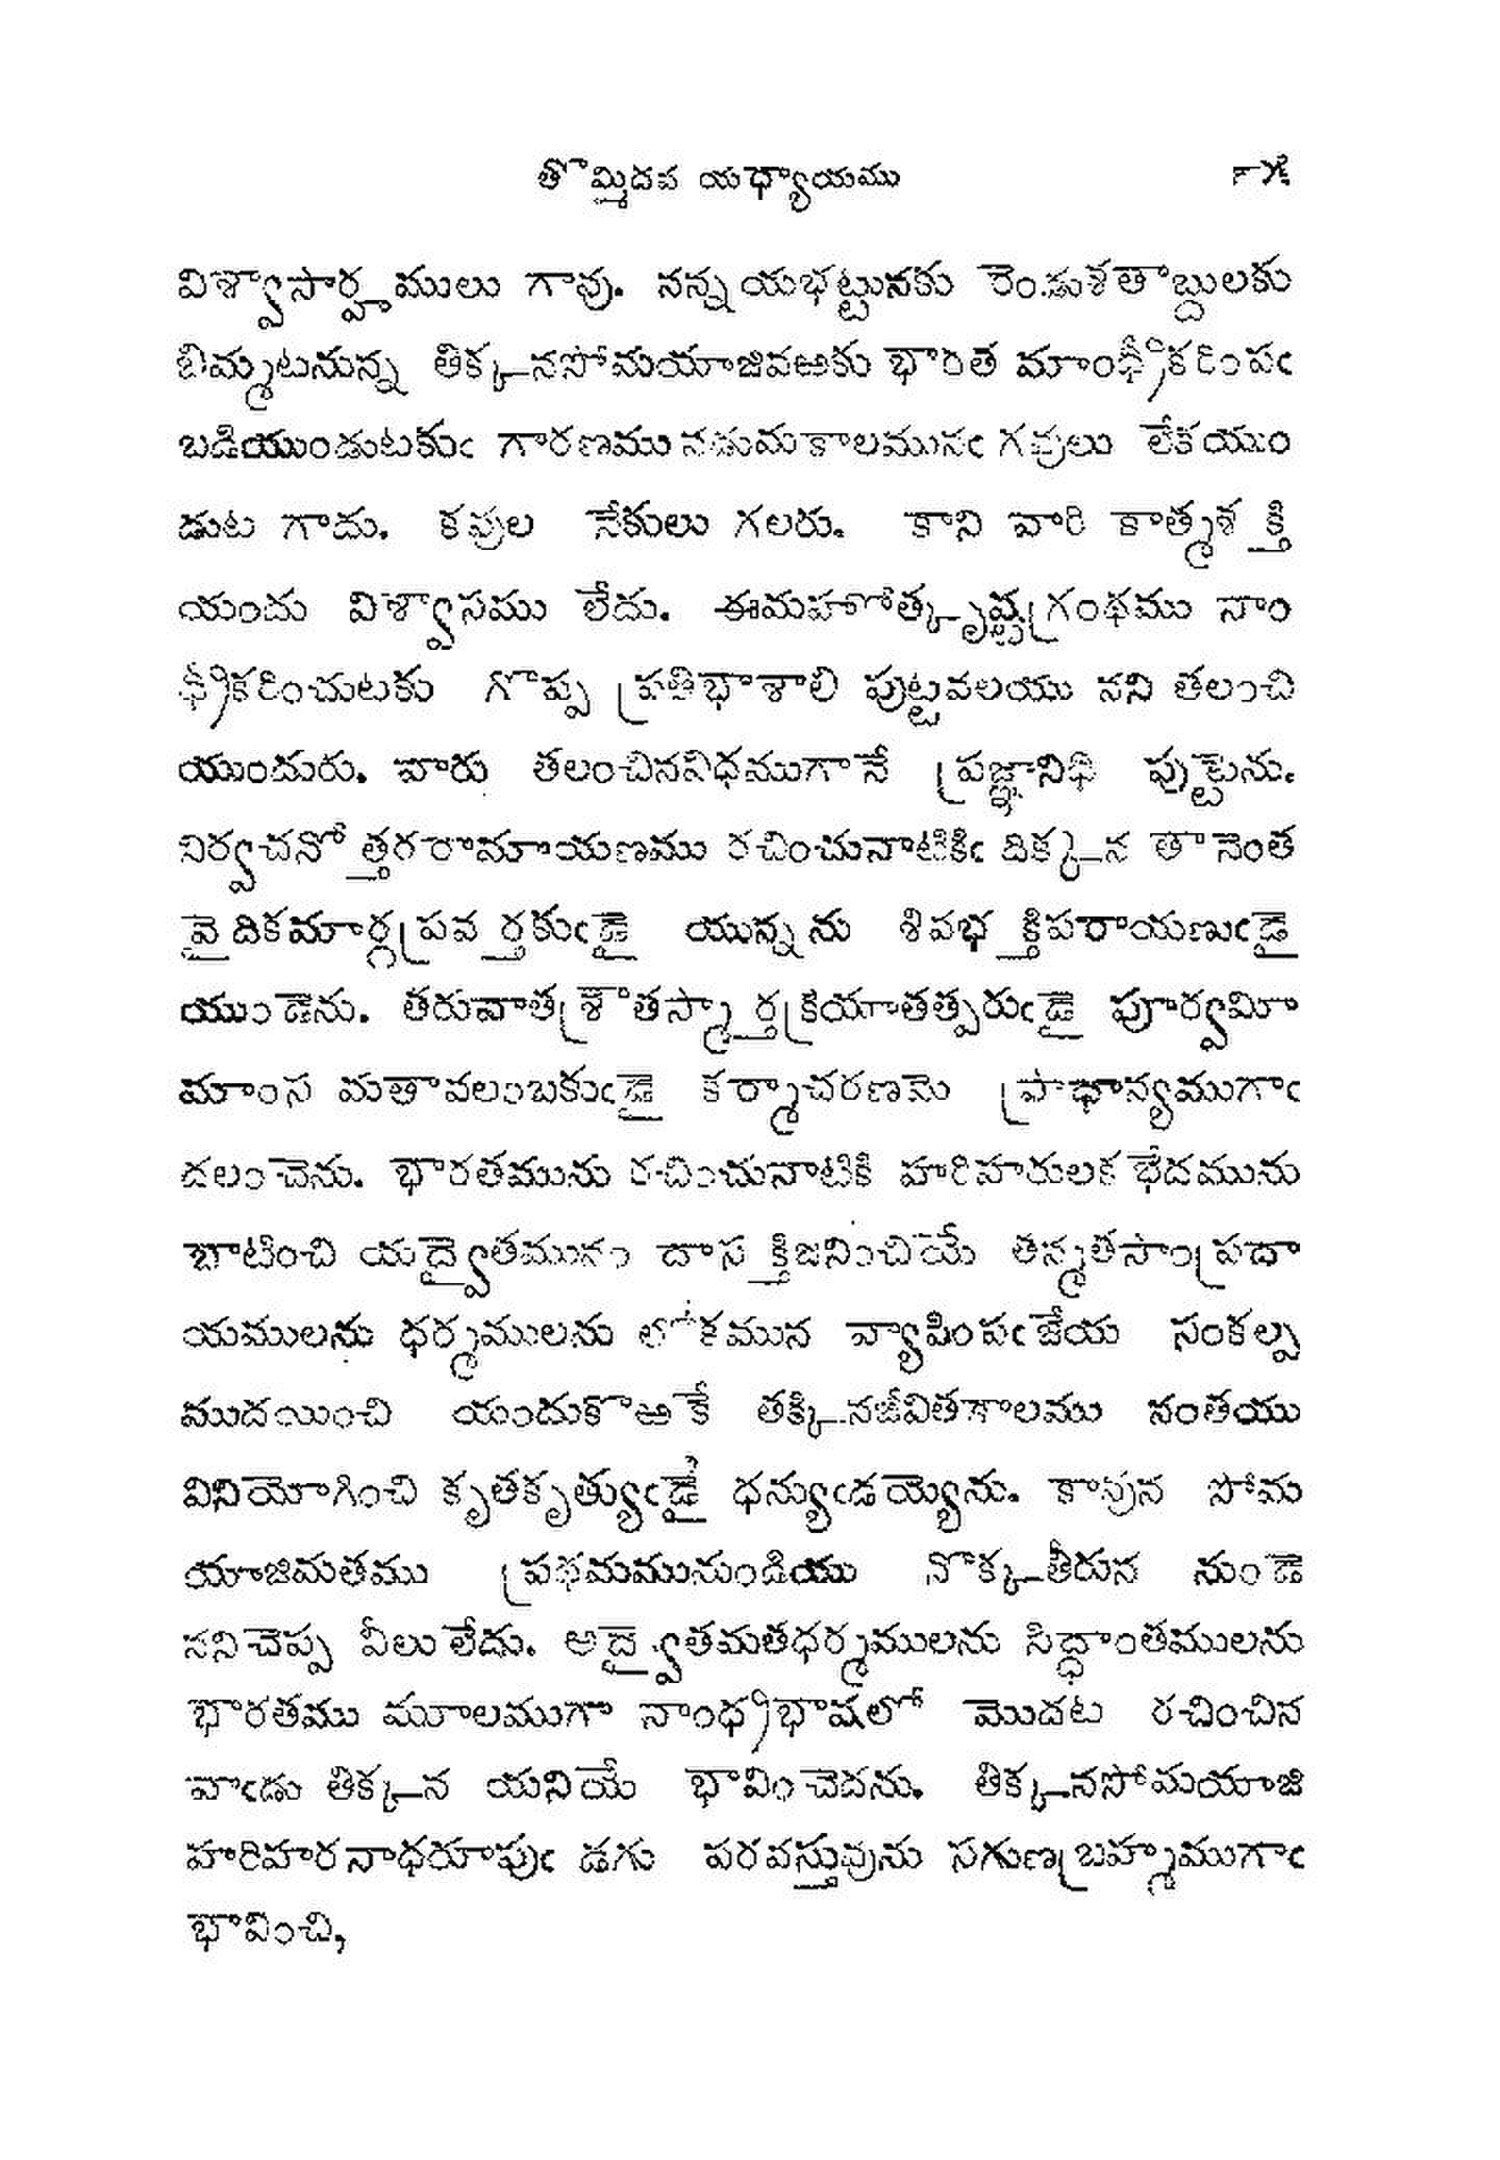విశ్వాసార్హములు గావు. నన్నయభట్టునకు రెండుశతాబ్దులకు బిమ్మటనున్న తిక్కనసోమయాజి వఱకు భారతమాంధ్రీకరింపఁ బడియుండుటకుఁ గారణమునడుమకాలమునఁ గవులు లేక యుండుట గాదు. కవుల నేకులు గలరు. కాని వారి కాత్మశక్తి యందు విశ్వాసము లేదు. ఈమహోత్కృష్టగ్రంథము నాంధ్రీకరించుటకు గొప్ప ప్రతిభాశాలి పుట్టవలయు నని తలంచి యుందురు. వారు తలంచినవిధముగానే ప్రజ్ఞానిధి పుట్టెను. నిర్వచనోత్తరరామాయణము రచించునాటికిఁ దిక్కన తానెంత వైదికమార్గప్రవర్తకుఁడై యున్నను శివభక్తిపరాయణుఁడై యుండెను. తరువాత శ్రౌతస్మార్తక్రియాతత్పరుఁడై పూర్వమీమాంస మతావలంబకుఁడై కర్మాచరణమె ప్రాధాన్యముగాఁ దలంచెను. భారతమును రచించునాటికి హరిహరులకభేదమును బాటించి యద్వైతమునం దాసక్తిజనించియే తన్మతసాంప్రదాయములను ధర్మములను లోకమున వ్యాపింపఁజేయ సంకల్ప ముదయించి యందుకొఱకే తక్కినజీవితకాలము నంతయు వినియోగించి కృతకృత్యుఁడై ధన్యుఁడయ్యెను. కావున సోమయాజిమతము ప్రథమమునుండియు నొక్కతీరున నుండెననిచెప్ప వీలులేదు. అద్వైతమతధర్మములను సిద్ధాంతములను
భారతము మూలముగా నాంధ్రభాషలో మొదట రచించినవాఁడు తిక్కన యనియే భావించెదను. తిక్కనసోమయాజి హరిహరనాధరూపుఁ డగు పరవస్తువును సగుణబ్రహ్మముగాఁ భావించి,